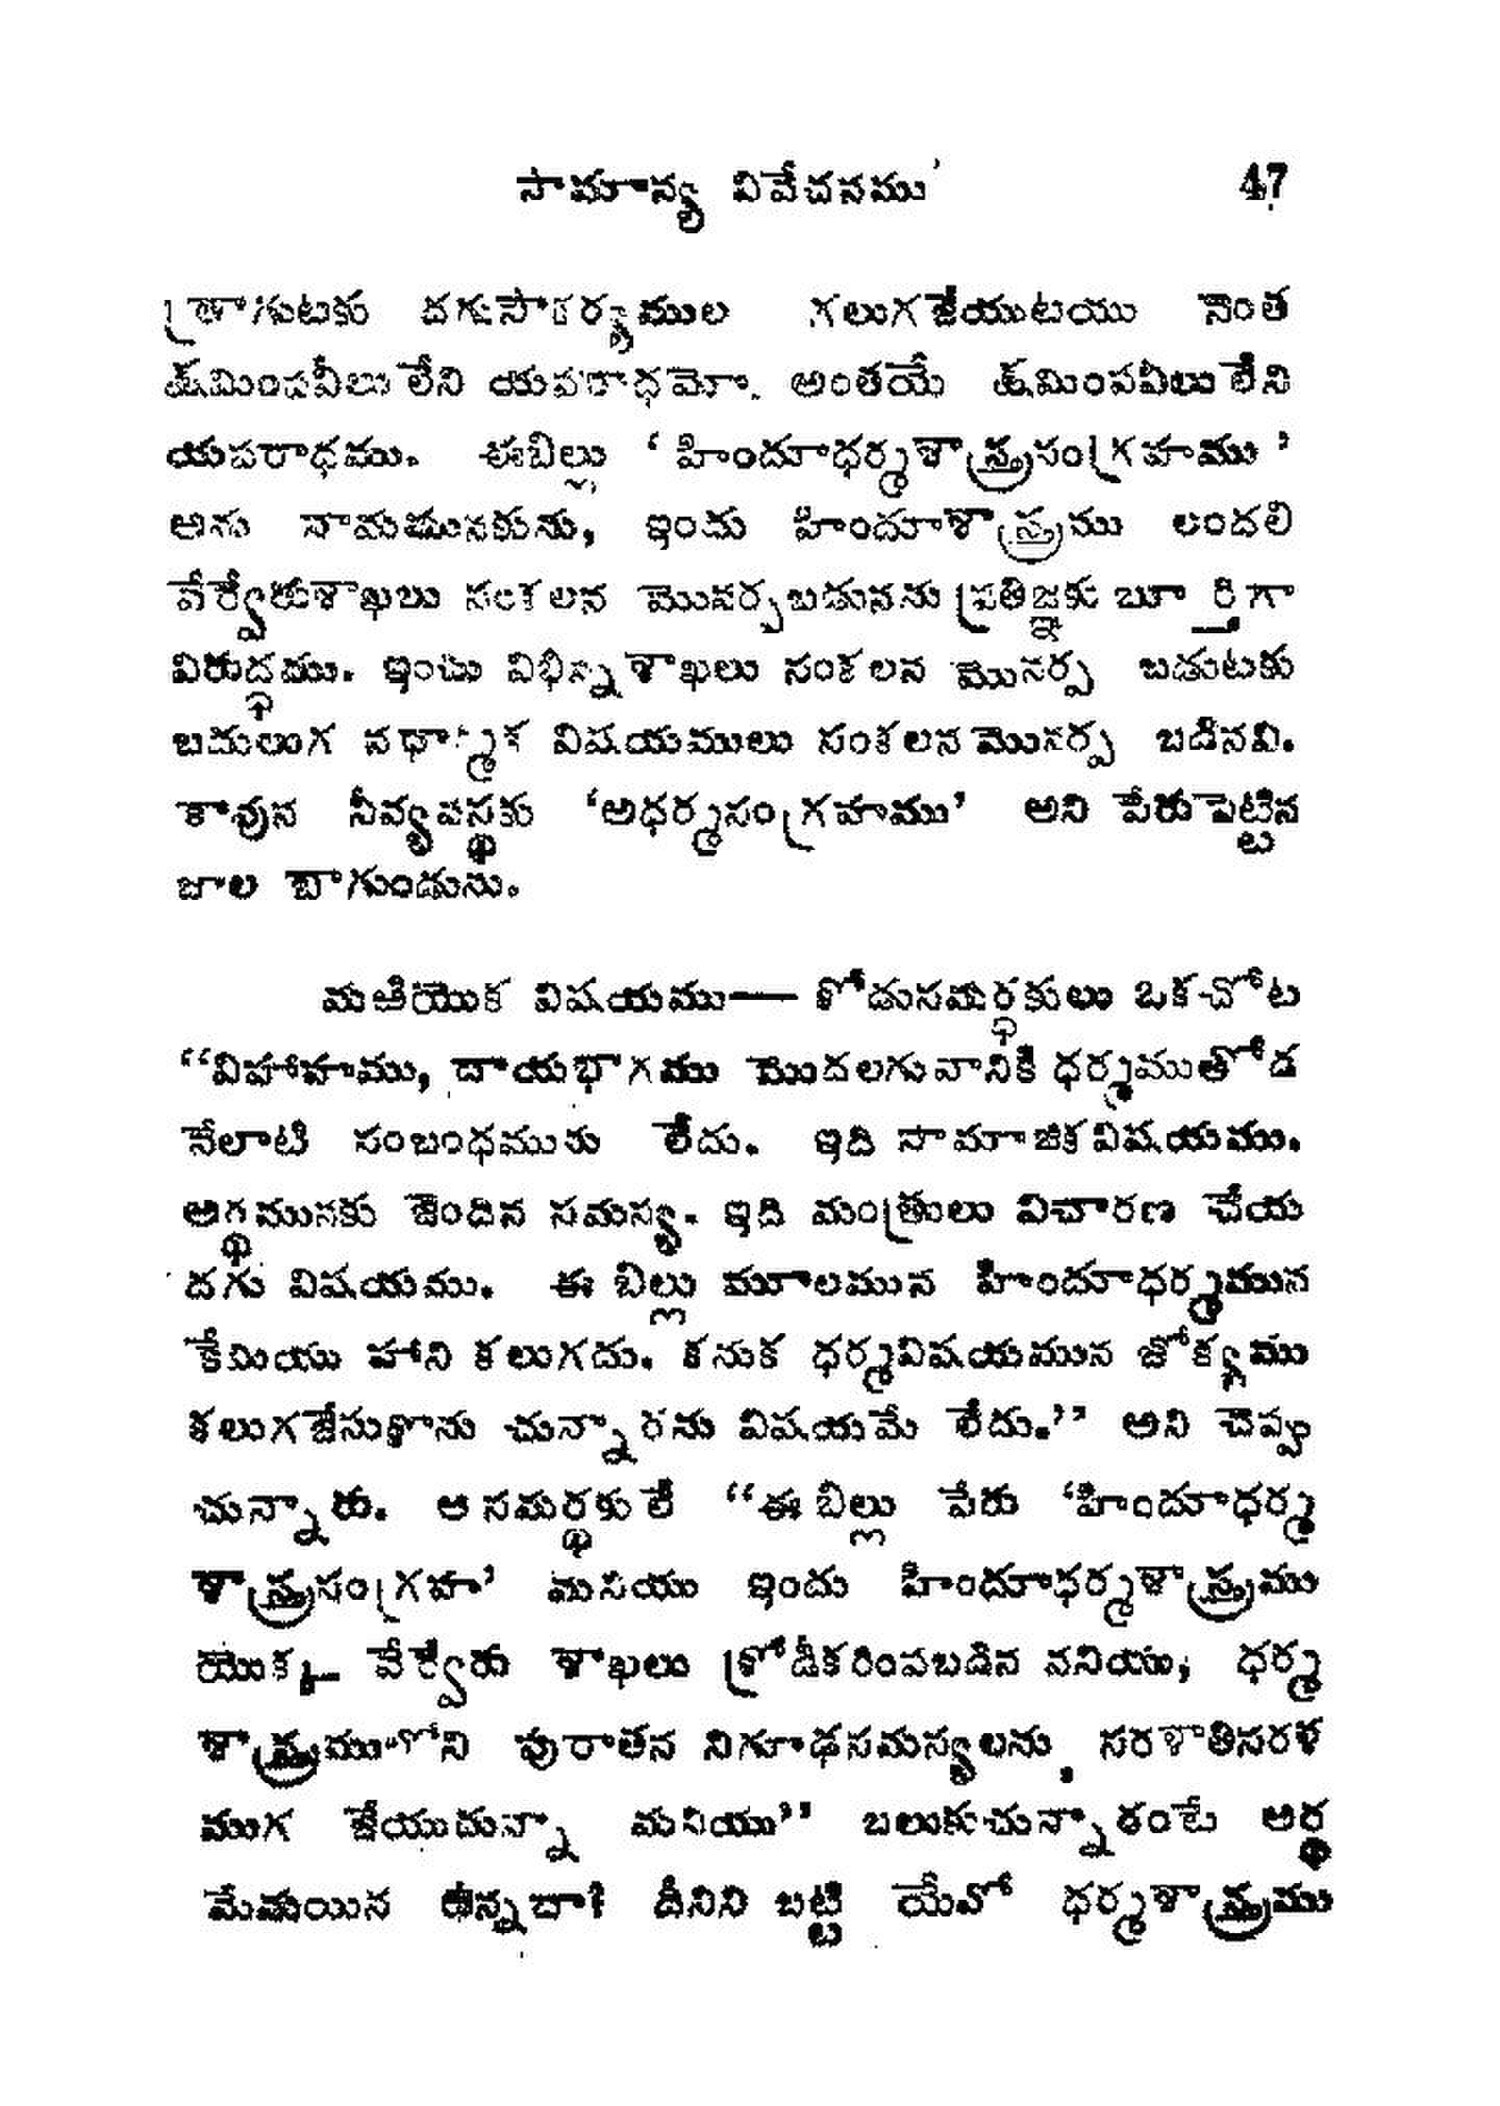త్రాగుటకు దగుసౌకర్యముల గలుగజేయుటయు నెంత
క్షమించవీలులేని యపరాధమో. అంతయే క్షమింపవీలులేని
యపరాధము. ఈబిల్లు 'హిందూధర్మ శాస్త్ర సంగ్రహము '
అను నామమునకును, ఇందు హిందూ శాస్త్రము లందలి
వేర్వేరుశాఖలు సంకలన మొనర్పబడునను ప్రతిజ్ఞకు బూర్తిగా
విరుద్దము. ఇందు విభిన్న శాఖలు సంకలన మొనర్పబడుటకు
బదులుగ నధార్మిక విషయములు సంకలన మొనర్ప బడినవి.
కావున నీవ్యవస్థకు 'అధర్మసంగ్రహము' అని పేరు పెట్టిన
జాల బాగుండును.

మఱియొక విషయము – కోడు సమర్థకులు ఒకచోట
“విహాహము, దాయభాగము మొదలగు వానికి ధర్మముతోడ
నేలాటి సంబంధమును లేదు. ఇది సామాజిక విషయము,
అర్థమునకు జెందిన సమస్య - ఇది మంత్రులు విచారణ చేయ
దగు విషయము. ఈ బిల్లు మూలమున హిందూధర్మమున
కేమియు హాని కలుగదు. కనుక ధర్మవిషయమున జోక్యము
కలుగజేసుకొను చున్నారను విషయమే లేదు.” అని చెప్పు
చున్నారు. ఆ సమర్థకులే “ఈ బిల్లు పేరు 'హిందూధర్మ
శాస్త్రసంగ్రహ' మరియు ఇందు హిందూధర్మశాస్త్రము
యొక్క వేర్వేరు శాఖలు క్రోడీకరింపబడిన వనియు, 
ధర్మములోని పురాతన నిగూఢసమస్యలను సరళాతిసరళముగ 
జేయుచున్నా మనియు" బలుకుచున్నారంటే అర్ధమేమయిన 
ఉన్నదా? దీనిని బట్టి యేవో ధర్మశాస్త్రము